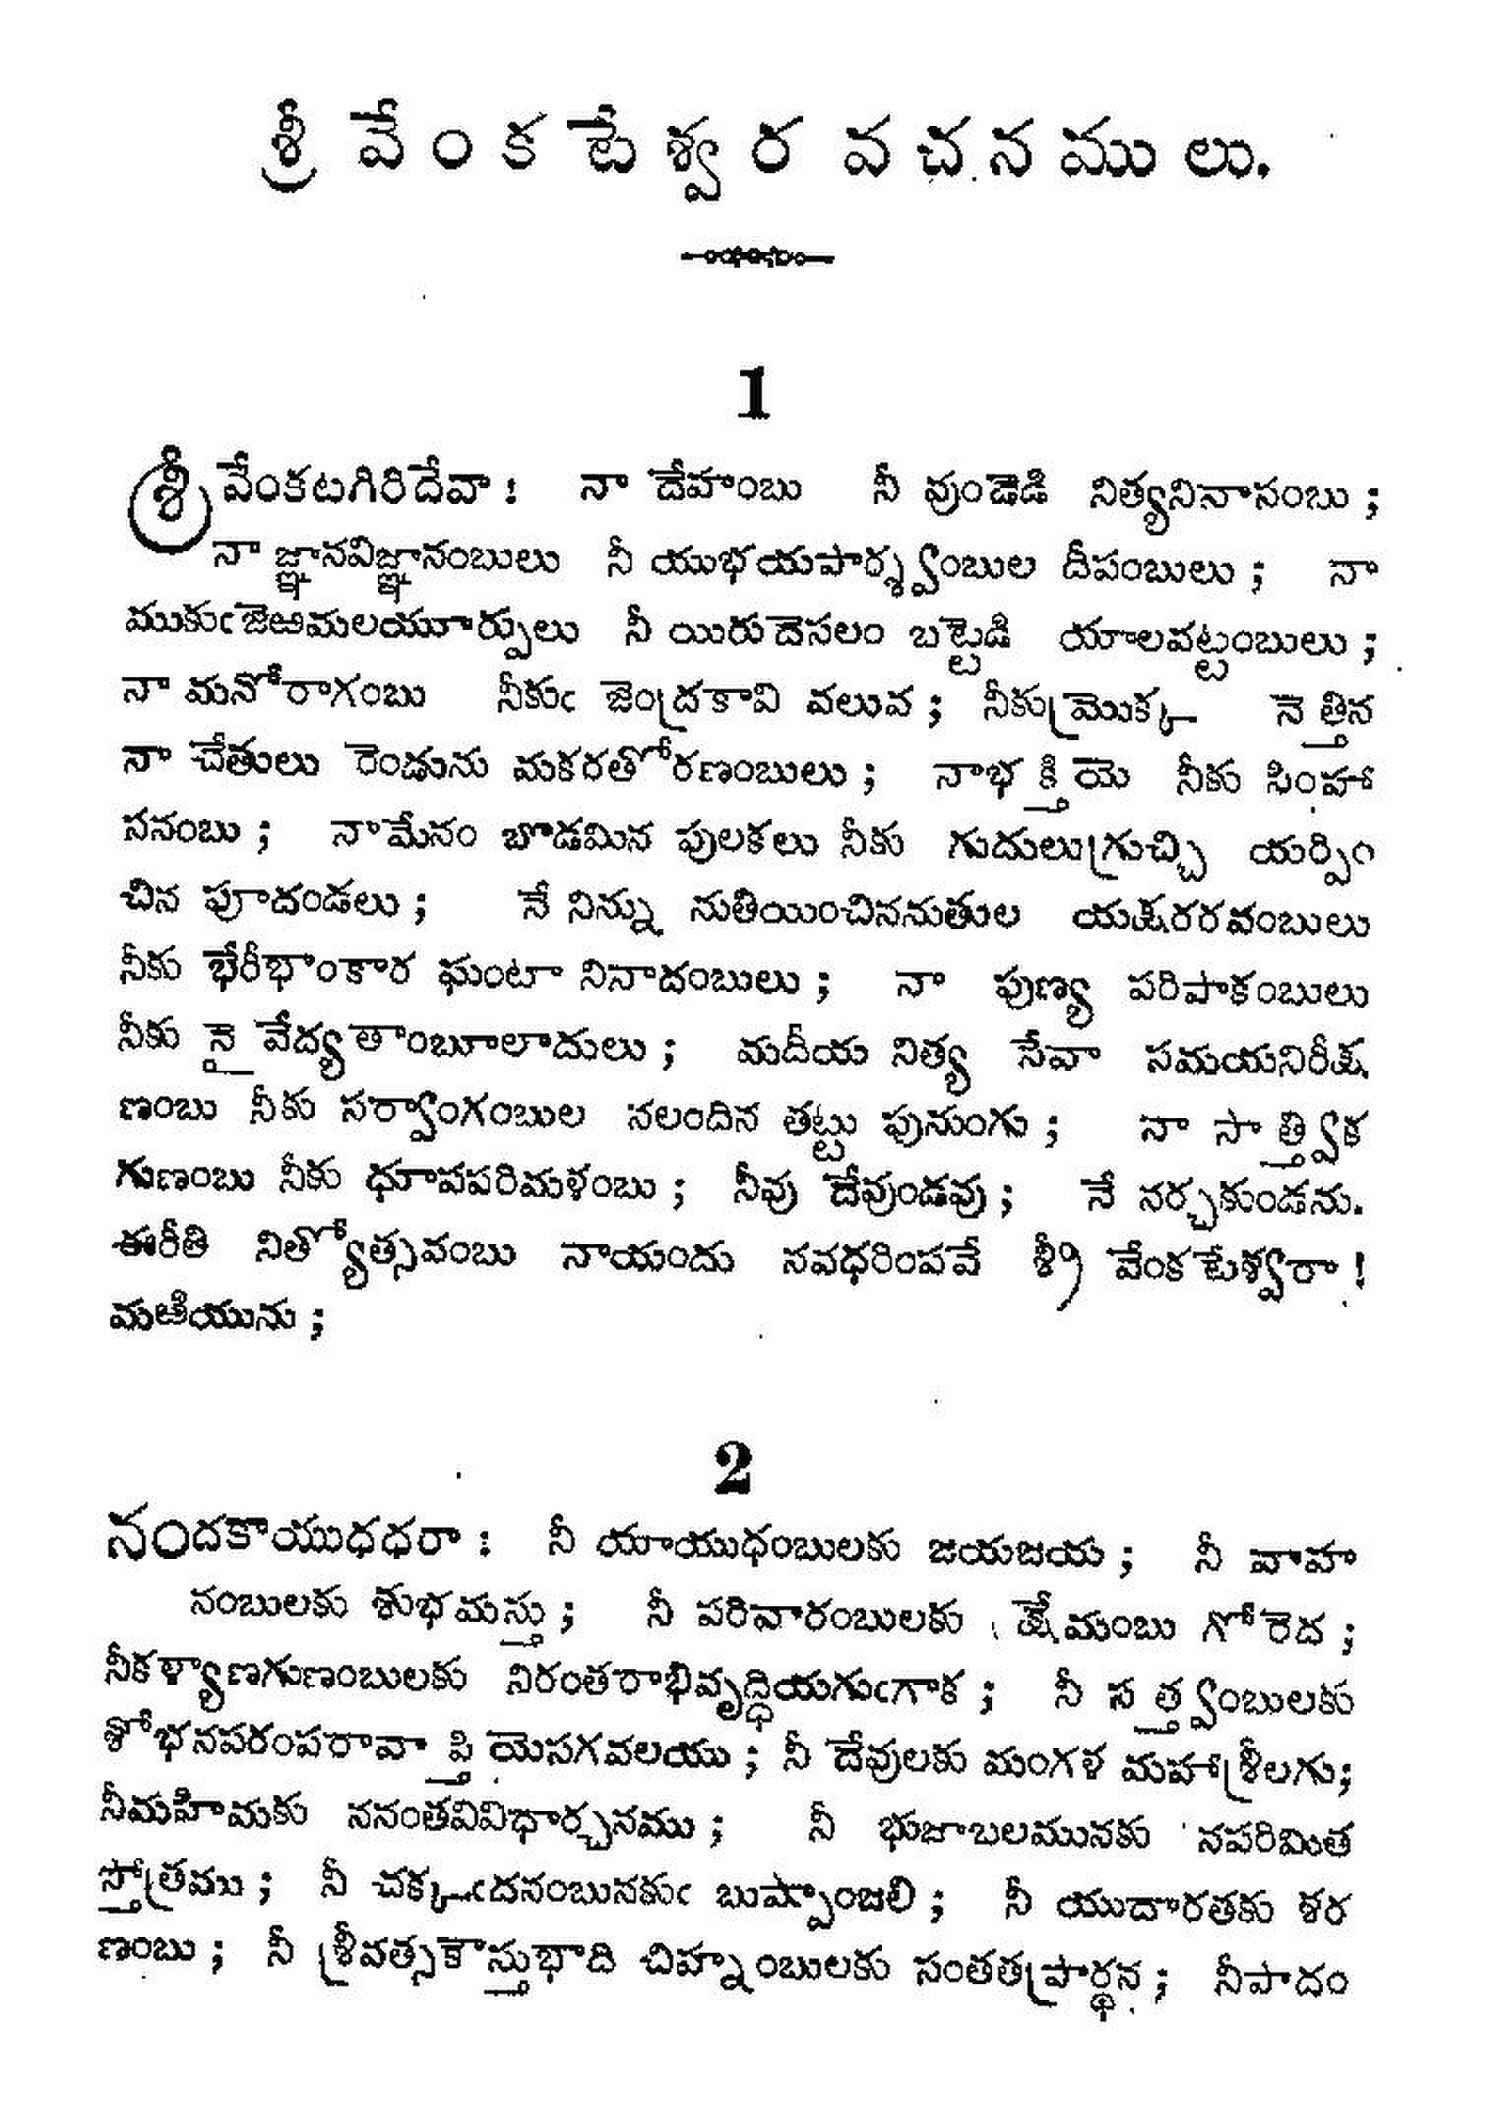శ్రీ వేంకటేశ్వర వచనములు.

1 

! నా దేహంబు నీ వుండెడి నిత్యనివాసంబు; నా జ్ఞానవిజ్ఞానంబులు నీ యుభయపార్శ్వంబుల దీపంబులు; నా ముకుఁజెఱమలయూర్పులు నీ యిరుదెసలం బట్టెడి యాలవట్టంబులు; నా మనోరాగంబు నీకుఁ జెంద్రకావి వలువ; నీకుమ్రొక్క నెత్తిన నా చేతులు రెండును మకరతోరణంబులు; నాభక్తియె నీకు సింహాసనంబు; నామేనం బొడమిన పులకలు నీకు గుదులుగ్రుచ్చి యర్పించిన పూదండలు; నే నిన్ను నుతియించిననుతుల యక్షరరవంబులు నీకు భేరీభాంకార ఘంటా నినాదంబులు; నా పుణ్య పరిపాకంబులు నీకు నైవేద్యతాంబూలాదులు; మదీయ నిత్య సేవా సమయనిరీక్షణంబు నీకు సర్వాంగంబుల నలందిన తట్టు పునుంగు; నా సాత్త్విక గుణంబు నీకు ధూపపరిమళంబు; నీవు దేవుండవు; నే నర్చకుండను. ఈరీతి నిత్యోత్సవంబు నాయందు నవధరింపవే శ్రీ వేంకటేశ్వరా! మఱియును;

2

! నీ యాయుధంబులకు జయజయ; నీ వాహనంబులకు శుభమస్తు; నీ పరివారంబులకు క్షేమంబు గోరెద; నీకళ్యాణగుణంబులకు నిరంతరాభివృద్ధియగుఁగాక; నీ సత్త్వంబులకు శోభనపరంపరావాప్తియెసగవలయు; నీ దేవులకు మంగళ మహాశ్రీలగు; నీమహిమకు ననంతవివిధార్చనము; నీ భుజాబలమునకు నపరిమితస్తోత్రము; నీ చక్కఁదనంబునకుఁ బుష్పాంజలి; నీ యుదారతకు శరణంబు; నీ శ్రీవత్సకౌస్తుభాది చిహ్నంబులకు సంతతప్రార్థన; నీపాదం